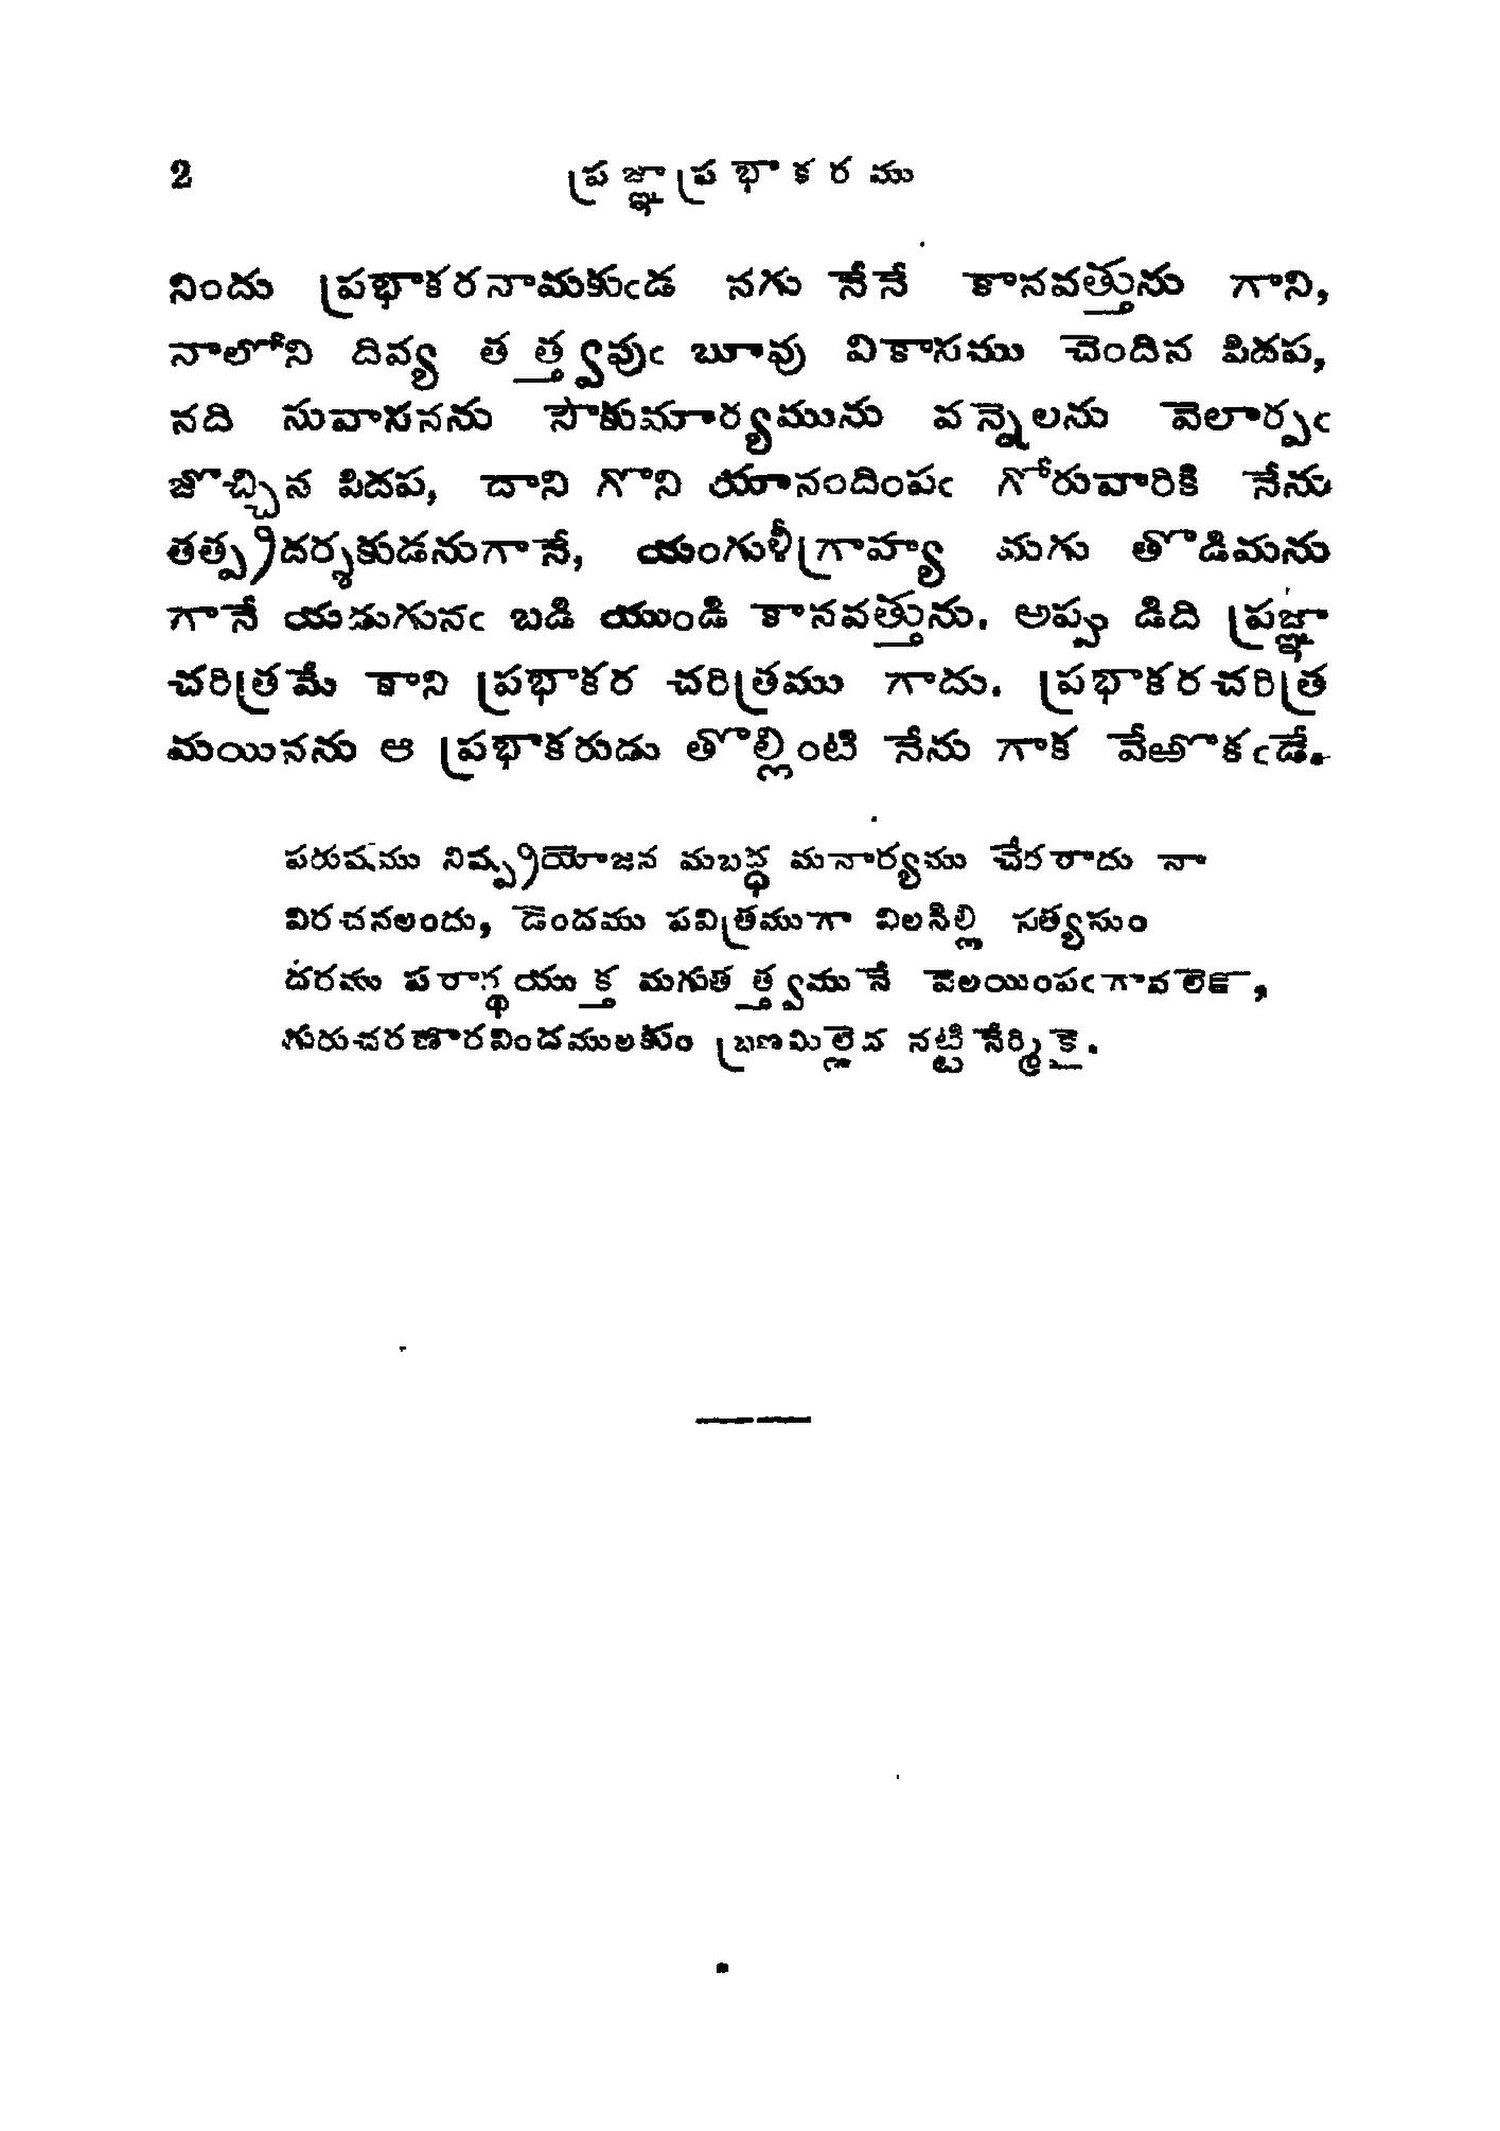నిందు ప్రభాకర నామకుఁడ నగు నేనే కానవత్తును గాని, నాలోని దివ్య తత్త్వపుఁ బూవు వికాసము చెందిన పిదప, నది సువాసనను సౌకుమార్యమును వన్నెలను వెలార్పఁ జొచ్చిన పిదప, దాని గొని యానందింపఁ గోరువారికి నేను తత్ప్రుదర్శకుడనుగానే, యంగుళీగ్రాహ్య మగు తొడిమను గానే యడుగునఁ బడి యుండి కానవత్తును. అప్పుడిది ప్రజ్ఞా చరిత్రమే కాని ప్రభాకర చరిత్రము గాదు. ప్రభాకరచరిత్ర మయినను ఆ ప్రభాకరుడు తొల్లింటి నేను గాక వేఱొకఁ డే.

పరుషము నిష్ప్రయోజన మబద్ధ మనార్యము చేరరాదు నా 
విరచనలందు, డెందము పవిత్రముగా విలసిల్లి సత్యసుం 
దరము పరార్ధ యుక్త మగుత త్త్వమునే వెలయింపఁ గావలె౬,
గురుచరణారవిందములకుం బ్రణమి ల్లెదా నేర్మికై.